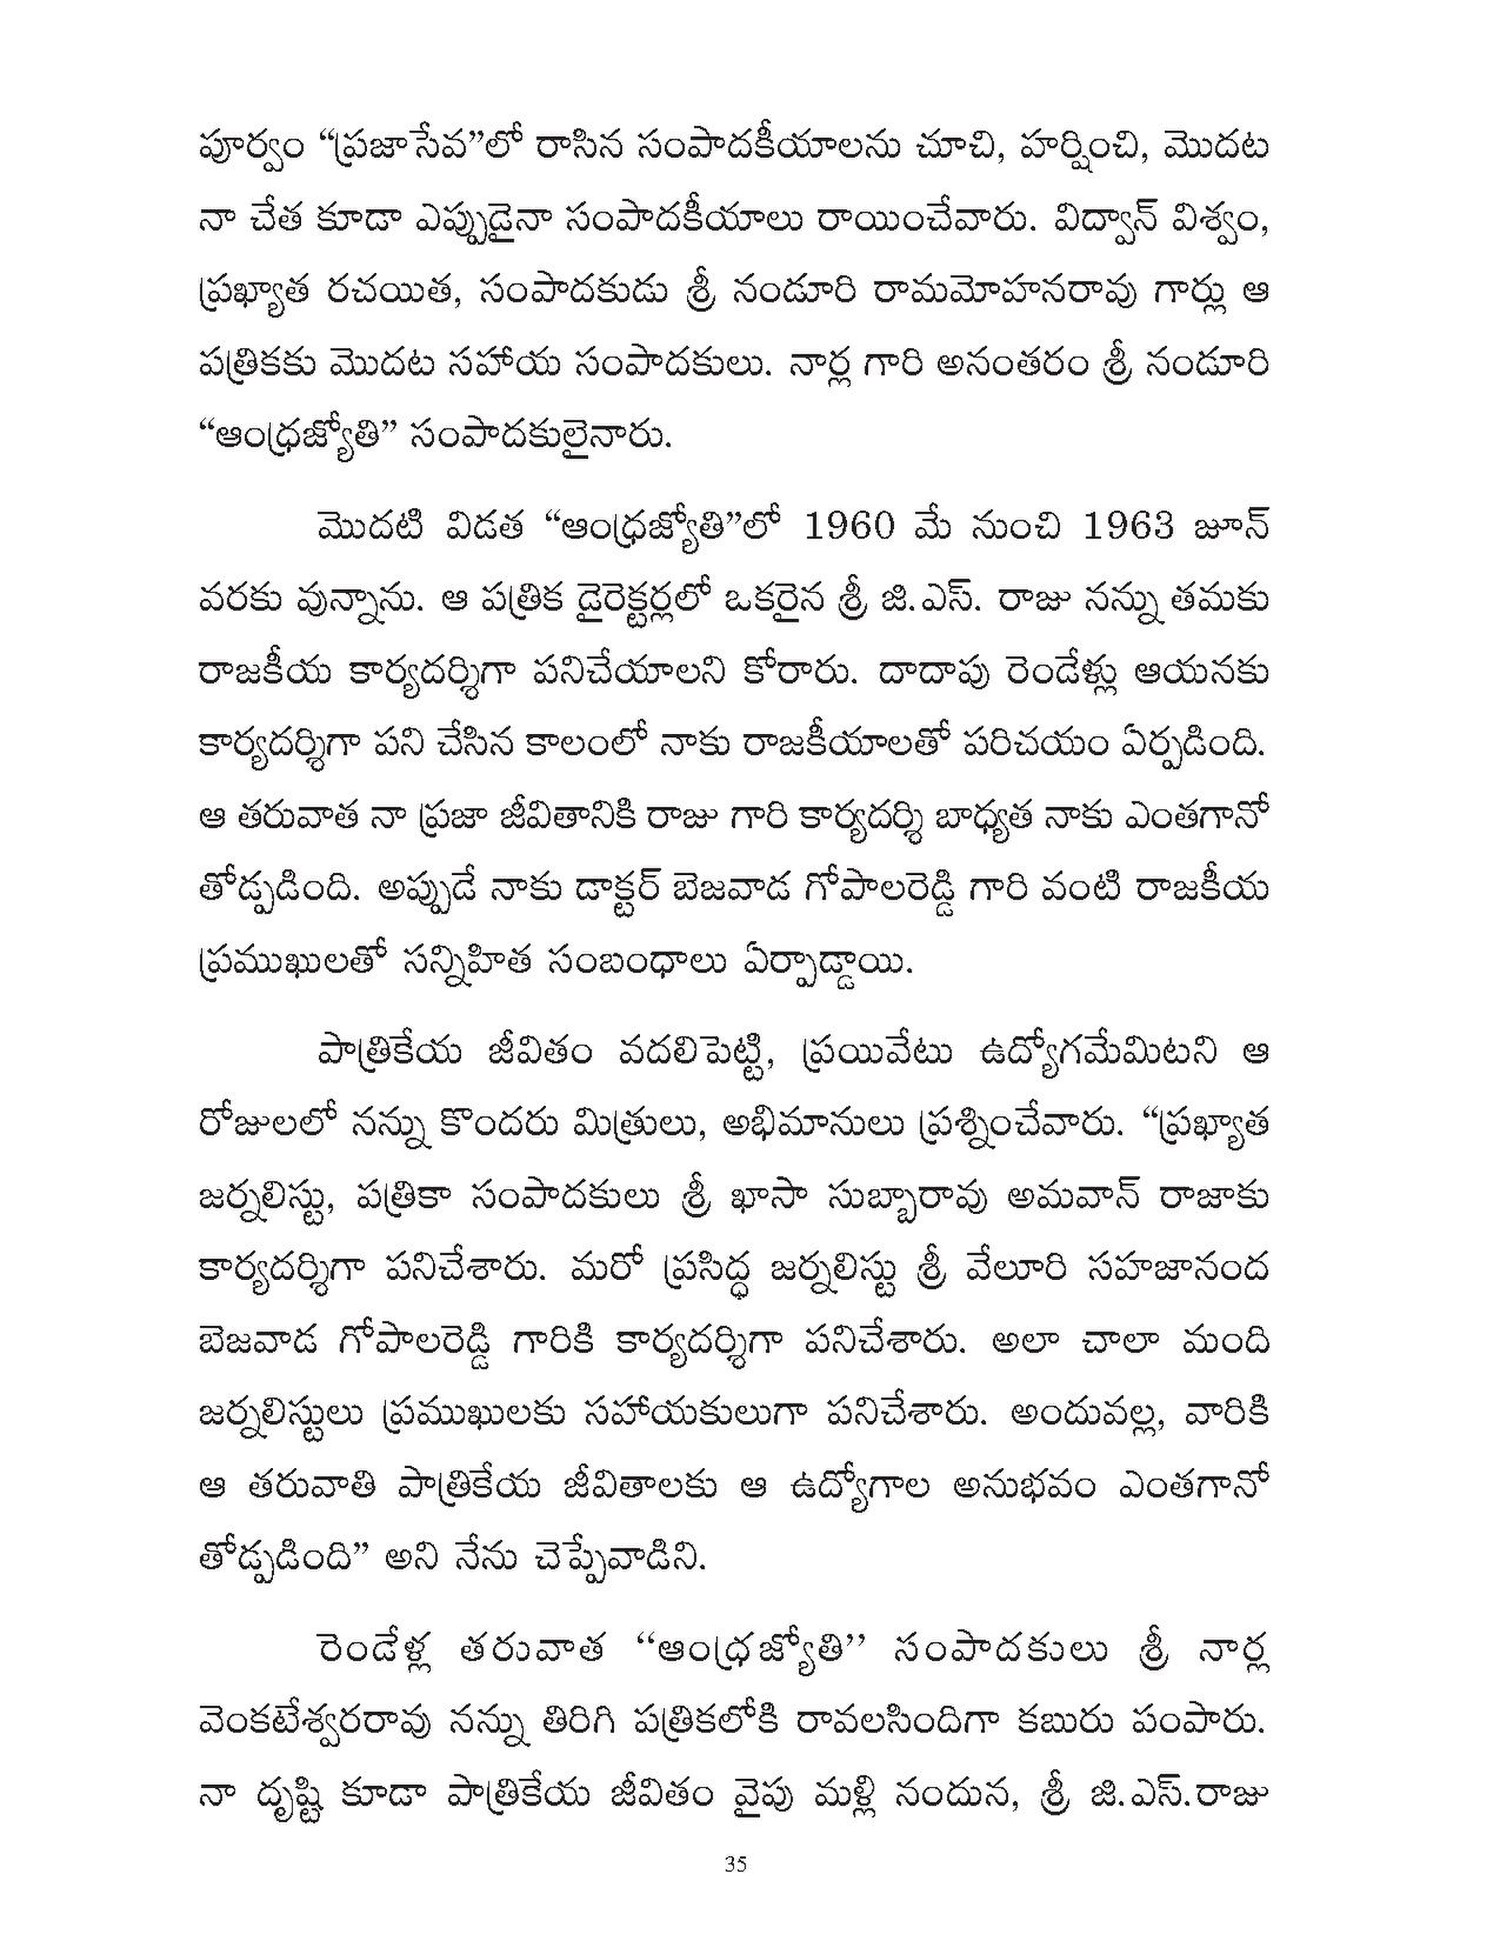పూర్వం "ప్రజాసేవ"లో రాసిన సంపాదకీయాలను చూచి, హర్షించి, మొదట
నా చేత కూడా ఎప్పుడైనా సంపాదకీయాలు రాయించేవారు. విద్వాన్‌ విశ్వం,
ప్రఖ్యాత రచయిత, సంపాదకుడు శ్రీ నండూరి రామమోహనరావు గార్లు ఆ
పత్రికకు మొదట సహాయ సంపాదకులు. నార్ల గారి అనంతరం శ్రీ నండూరి
"ఆంధ్రజ్యోతి" సంపాదకులైనారు.

మొదటి విడత "ఆంధ్రజ్యోతి"లో 1960 మే నుంచి 1963 జూన్‌
వరకు వున్నాను. ఆ పత్రిక డైరెక్టర్లలో ఒకరైన శ్రీ జి.ఎస్‌. రాజు నన్ను తమకు
రాజకీయ కార్యదర్శిగా పనిచేయాలని కోరారు. దాదాపు రెండేళ్లు ఆయనకు
కార్యదర్శిగా పని చేసిన కాలంలో నాకు రాజకీయాలతో పరిచయం ఏర్పడింది.
ఆ తరువాత నా ప్రజా జీవితానికి రాజు గారి కార్యదర్శి బాధ్యత నాకు ఎంతగానో
తోడ్పడింది. అప్పుడే నాకు డాక్టర్ బెజవాడ గోపాలరెడ్డి గారి వంటి రాజకీయ
ప్రముఖులతో సన్నిహిత సంబంధాలు ఏర్పడ్డాయి.

పాత్రికేయ జీవితం వదలిపెట్టి, ప్రయివేటు ఉద్యోగమేమిటని ఆ
రోజులలో నన్ను కొందరు మిత్రులు, అభిమానులు ప్రశ్నించేవారు. "ప్రఖ్యాత
జర్నలిస్టు, పత్రికా సంపాదకులు శ్రీ ఖాసా సుబ్బారావు అమవాన్‌ రాజాకు
కార్యదర్శిగా పనిచేశారు. మరో ప్రసిద్ధ జర్నలిస్టు శ్రీ వేలూరి సహజానంద
బెజవాడ గోపాలరెడ్డి గారికి కార్యదర్శిగా పనిచేశారు. అలా చాలా మంది
జర్నలిస్టులు ప్రముఖులకు సహాయకులుగా పనిచేశారు. అందువల్ల, వారికి
ఆ తరువాతి పాత్రికేయ జీవితాలకు ఆ ఉద్యోగాల అనుభవం ఎంతగానో
తోడ్పడింది" అని నేను చెప్పేవాడిని.

రెండేళ్ల తరువాత "ఆంధ్రజ్యోతి" సంపాదకులు శ్రీ నార్ల
వెంకటేశ్వరరావు నన్ను తిరిగి పత్రికలోకి రావలసిందిగా కబురు పంపారు.
నా దృష్టి కూడా పాత్రికేయ జీవితం వైపు మళ్లి నందున, శ్రీ జి.ఎస్‌.రాజు